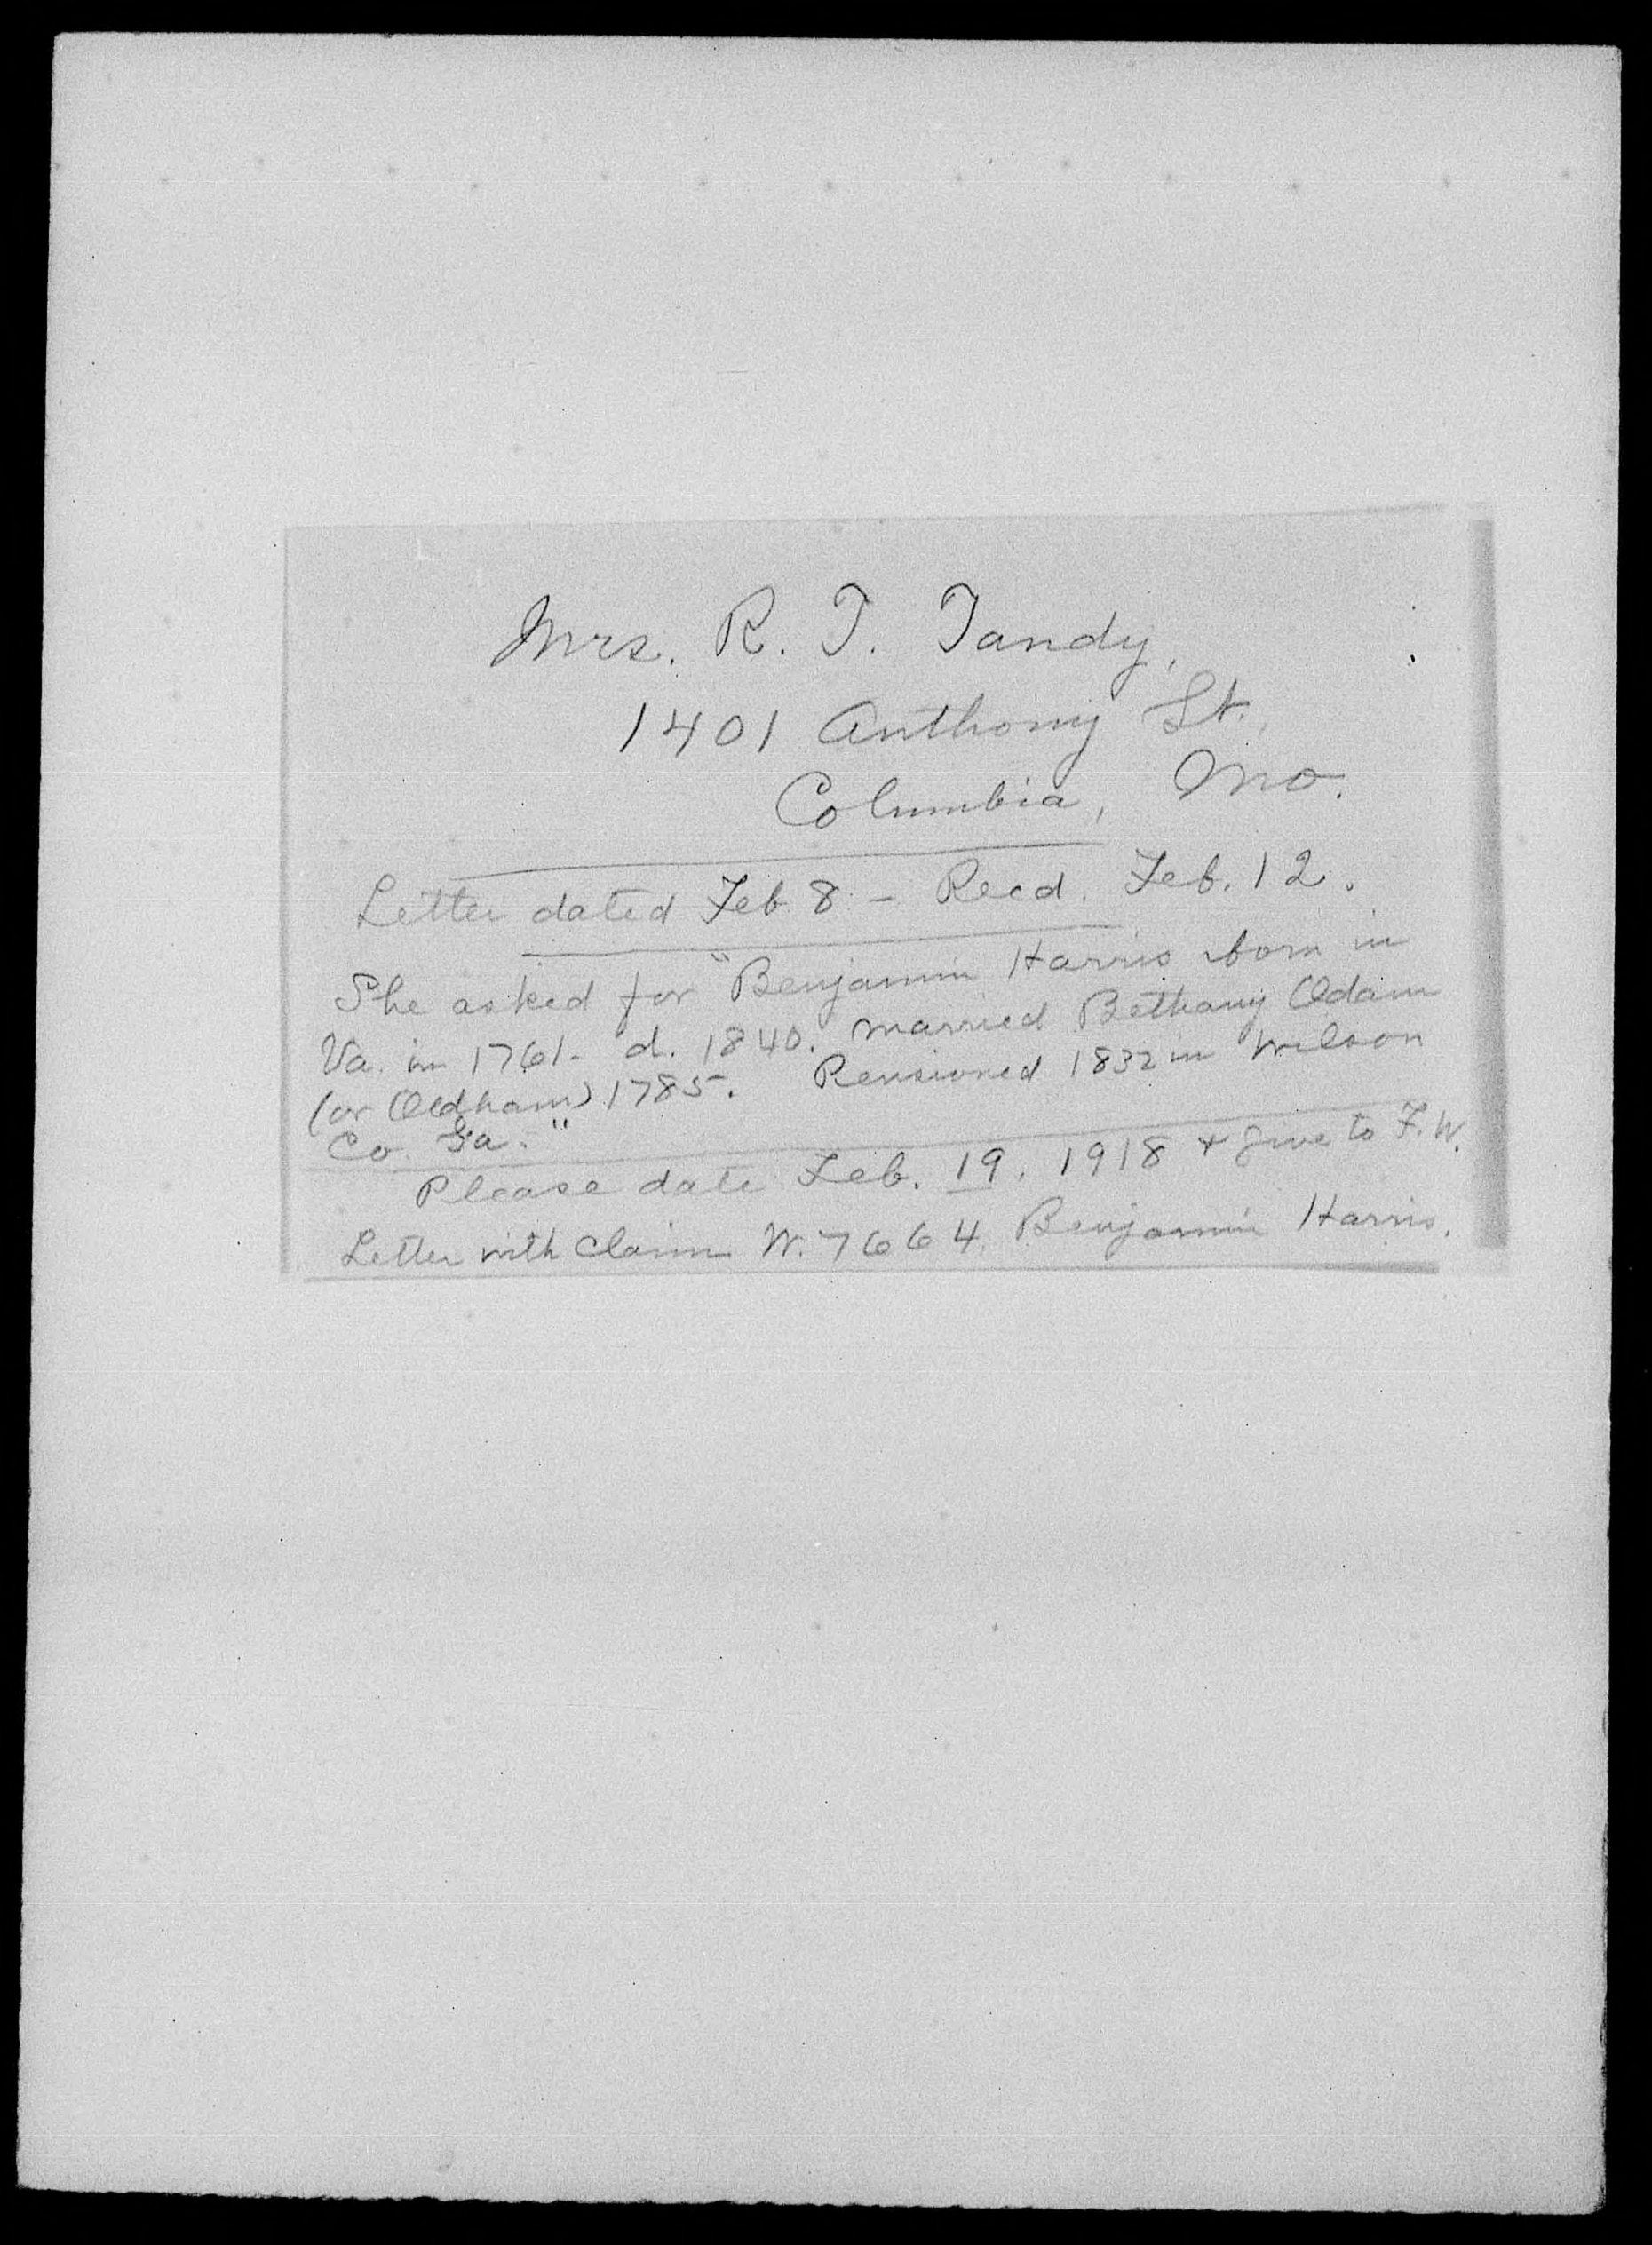Mrs. R. T. Tandy &
1401 Anthony St. Columbia Mo 
Letter dated Feb 8. Reed Feb. 12 
She asked for Benjamin Harris born in Va. in 1761, d. 1840 married Bethany Odom (or Oldham), 1785. Pensioned 1832 in Walton Co Ga 
Please date Feb. 19, 1918 & give to F.W. Letter with claim W. 7664, Benjamin Harris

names: Bethany Odom, Benjamin Harris, Bethany Oldham, R T Tandy, Benjamin Harris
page: 60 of 62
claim: survivor's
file: S. 38816, Benjamin Harris, Mass.